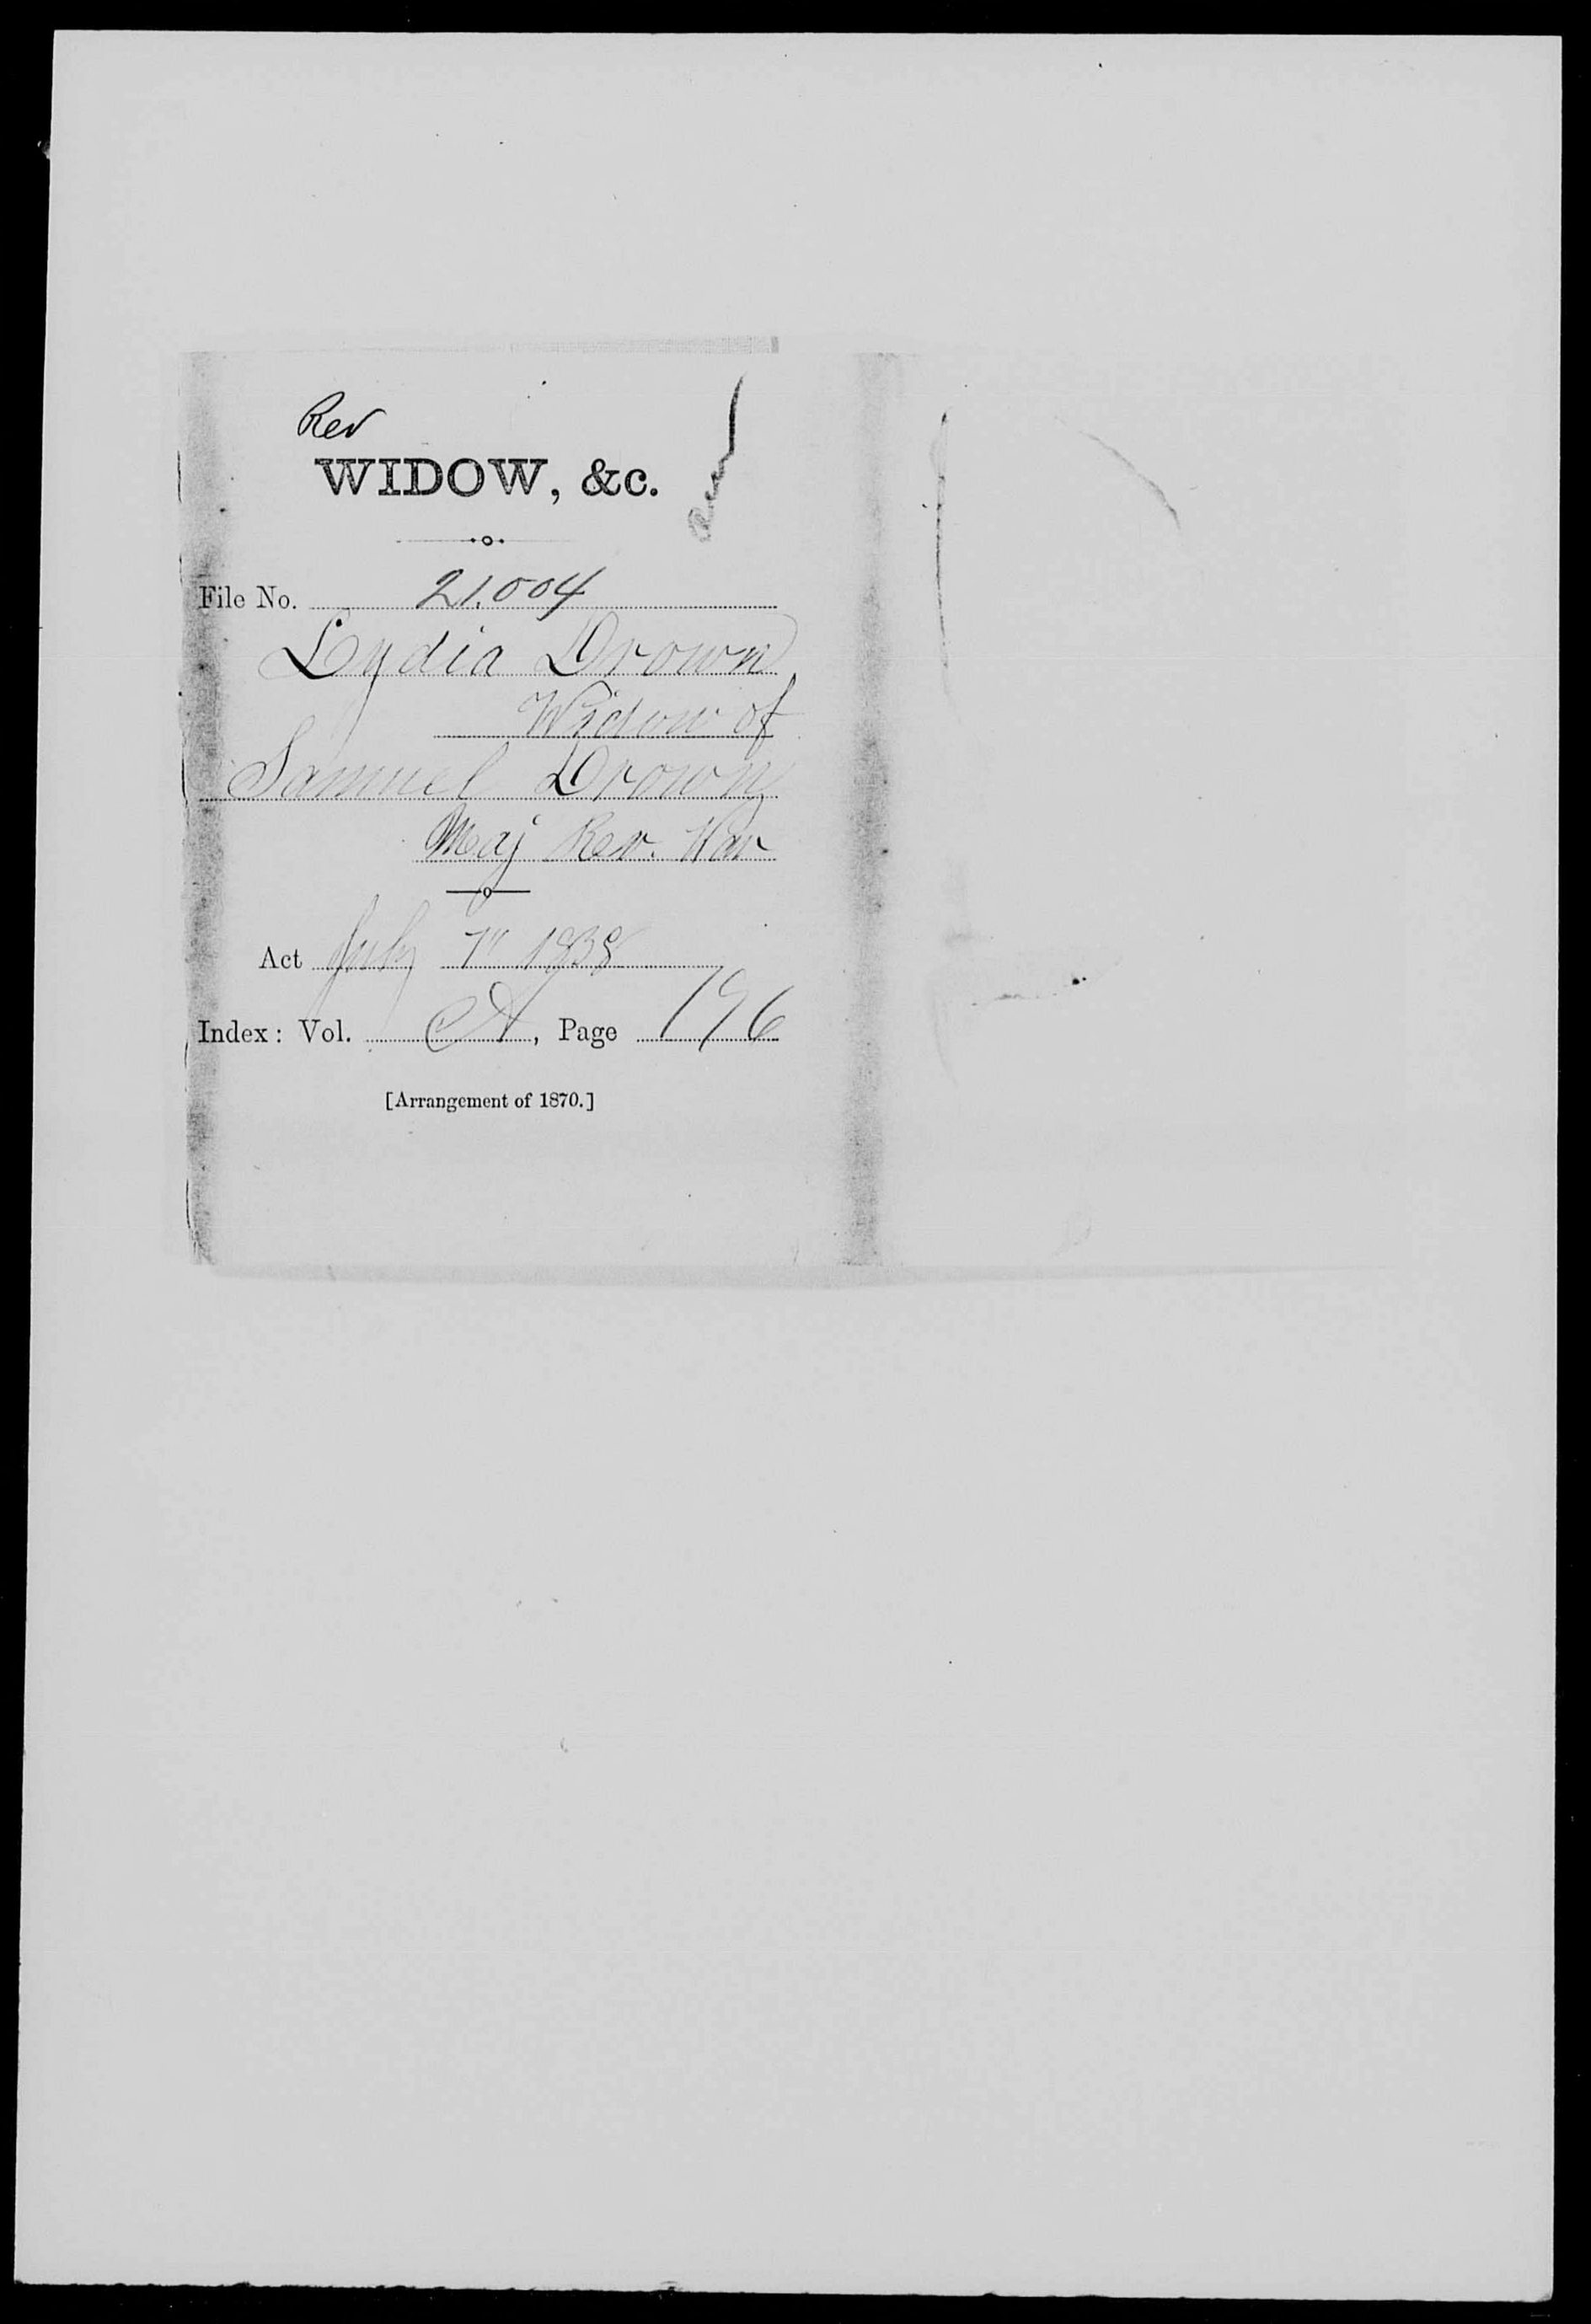Rev
WIDOW, &c.

File No. 21.004
Lydia Drown
Widow of
Samuel Drown
Maj Rev. War
Act July 7 1838
Index: Vol. A, Page 196
[Arrangement of 1870.]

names: Samuel Drown, Lydia Drown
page: 17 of 31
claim: widow's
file: W 21004, Samuel Drown, R.I.